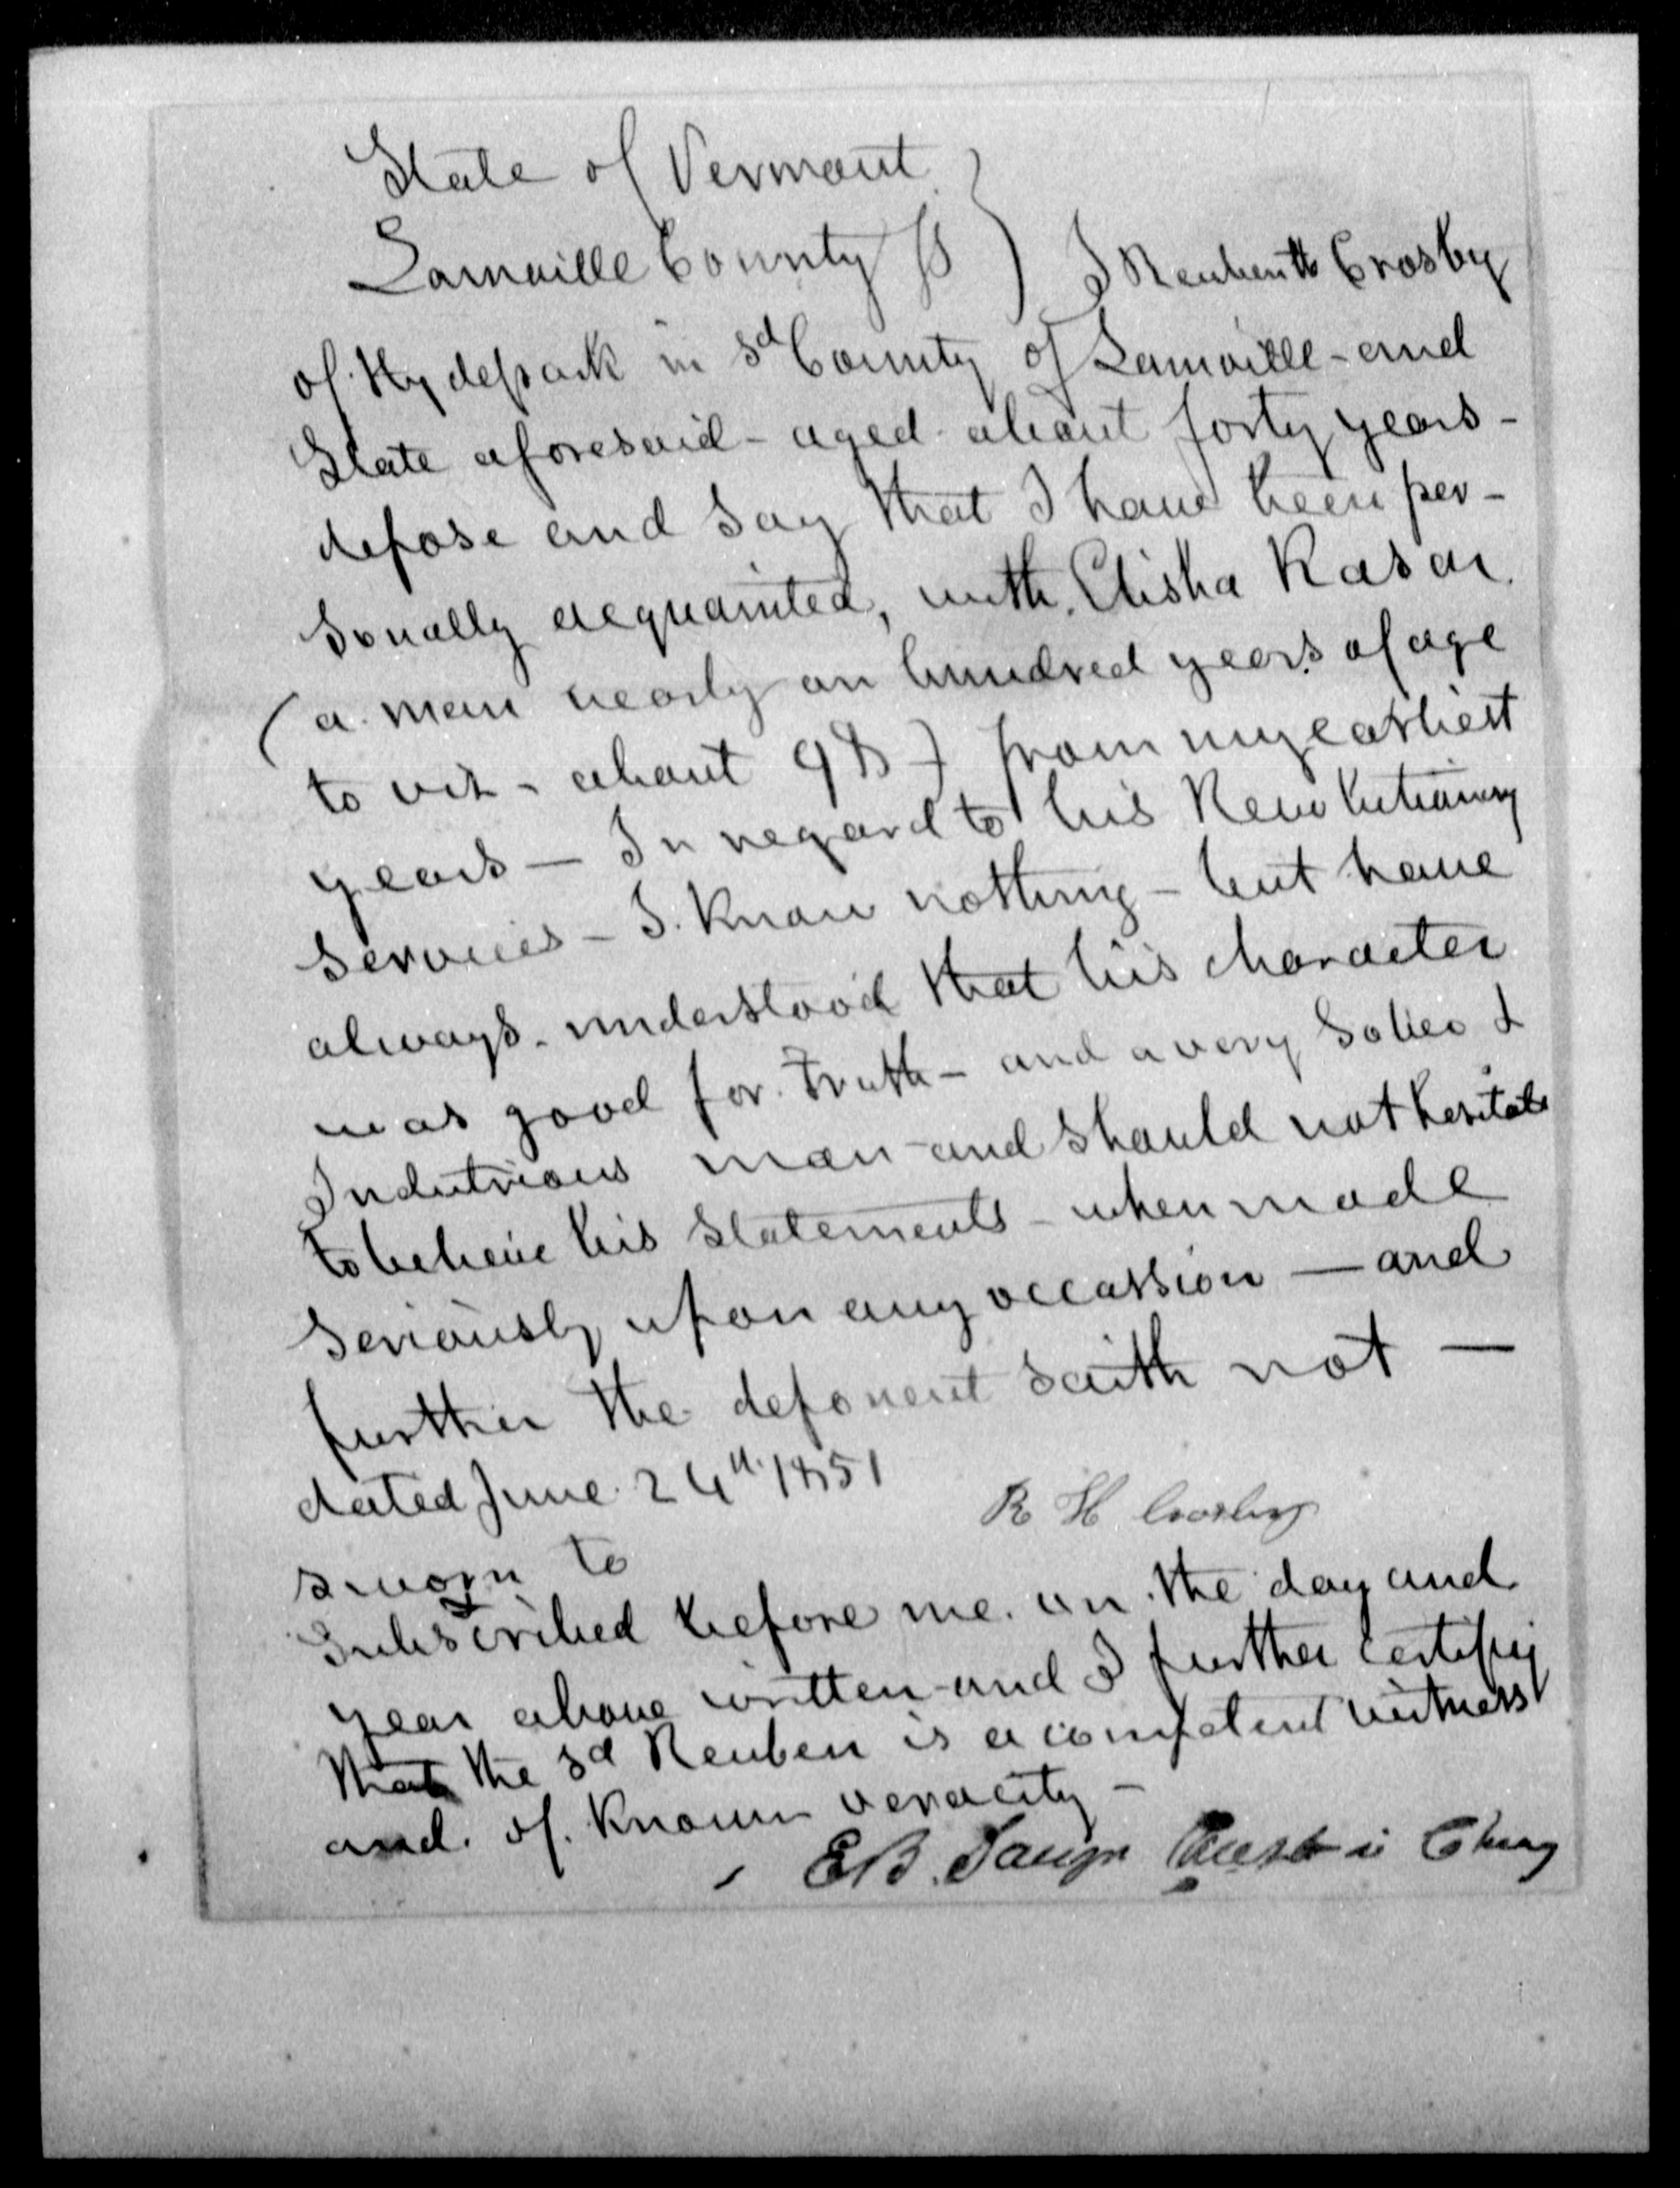State of Vermont
Samoille County JS

I Reuben H Crosby of Hyde Park in said County of  Samoille and state aforesaid aged about fourty years depose and say that I have been personally acquainted with Elisha Rasar ( a man nearly an hundred years of age to with about 98) from my earliest years In regard to his Revolutionary Services - I know nothing but have always understood that his character was good for truth and very solid & industrious mand and should not hesitate to  believe his statements when made seriously upon any occassion and further the deforment saith not dated June 24th 1851
R.H. Crosby
Sworn to & subscribed before me on the day and year above written and I further certify  that the said Reuben is a competent witness and of known veracity
E.B. Sawyer Clerk in Charge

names: Reuben [BLANK]; E B Sawyer; Elisha Rasar; R H Crosby; Reuben H Crosby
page: 18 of 30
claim: rejected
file: R. 8625, for Elisha Razar, Connecticut